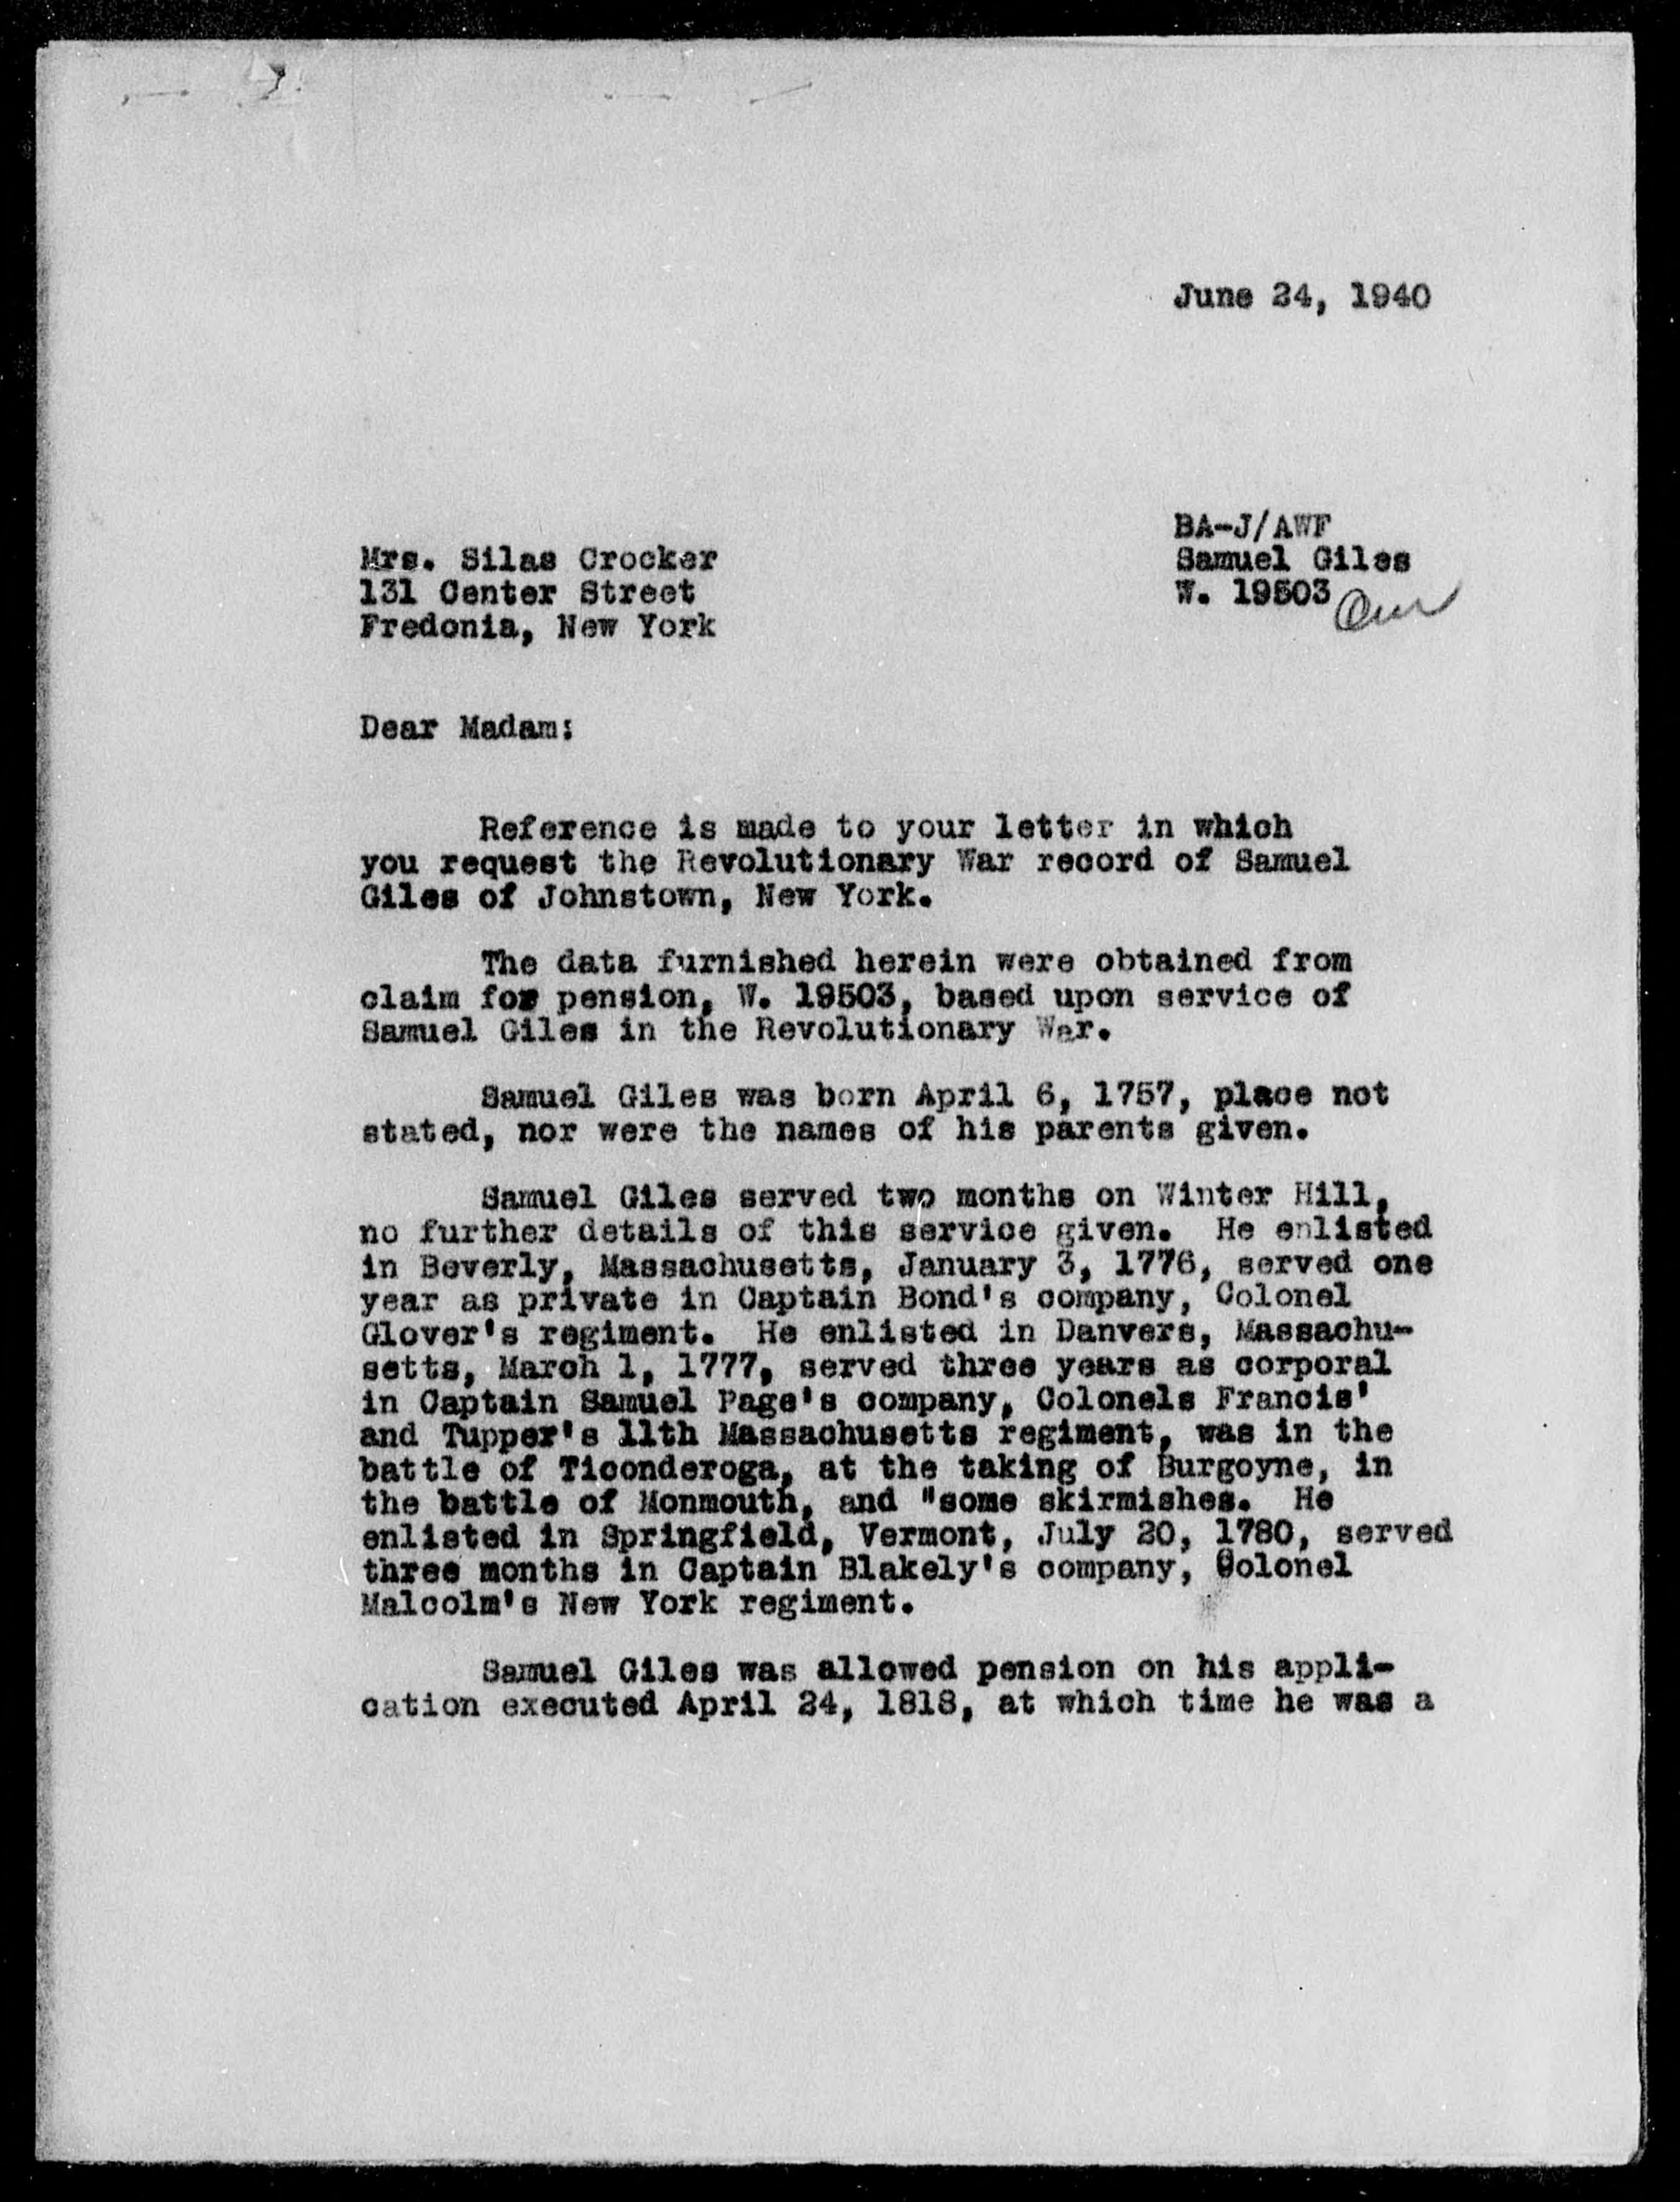Right Header Date: June 24, 1940

Mrs. Silas Crocker
131 Center Street
Fredonia, New York

BA-J/AWF
Samuel Giles
W. 19503
[Illegible Initials?]

Dear Madam:
Reference is made to your letter in which
you request the Revolutionary War record of Samuel
Giles of Johnstown, New York.
The data furnished herein were obtained from
claim for pension, W. 19503, based upon service of
Samuel Giles in the Revolutionary War.

Samuel Giles was born April 6, 1757, place not
stated, nor were the names of his parents given.
Samiel Giles served two months on Winter Hill,
no further details of this service given. He enlisted
in Beverly, Massachusetts, January 3, 1776, served one
year as private in Captain Bond's company, Colonel
Glover's regiment. He enlisted in Danvers, Massachusetts, 
March 1, 1777, served three years as corporal
in Captain Samuel page' company, Colonels Francis'
and Tupper's 11th Massachusetts regiment, was in the
battle of Ticonderoga, at the taking of Burgoyne, in
the battle of Monmouth, and "some skirmishes. He
enlisted in Springfield, Vermont, July 20, 1780, served
three months in Captain Blakely's company, Colonel
Malcolm's New York regiment.

Samuel Giles was allowed pension on his application executed April 34, 1818, 
at which time he was a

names: Samuel Giles, Samuel Giles, Samuel Giles, Samuel Giles, Samuel Giles, Samuel Giles, Silas Crocker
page: 19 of 55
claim: widow's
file: W. 19503, Samuel Giles, Conti. Mass. New York